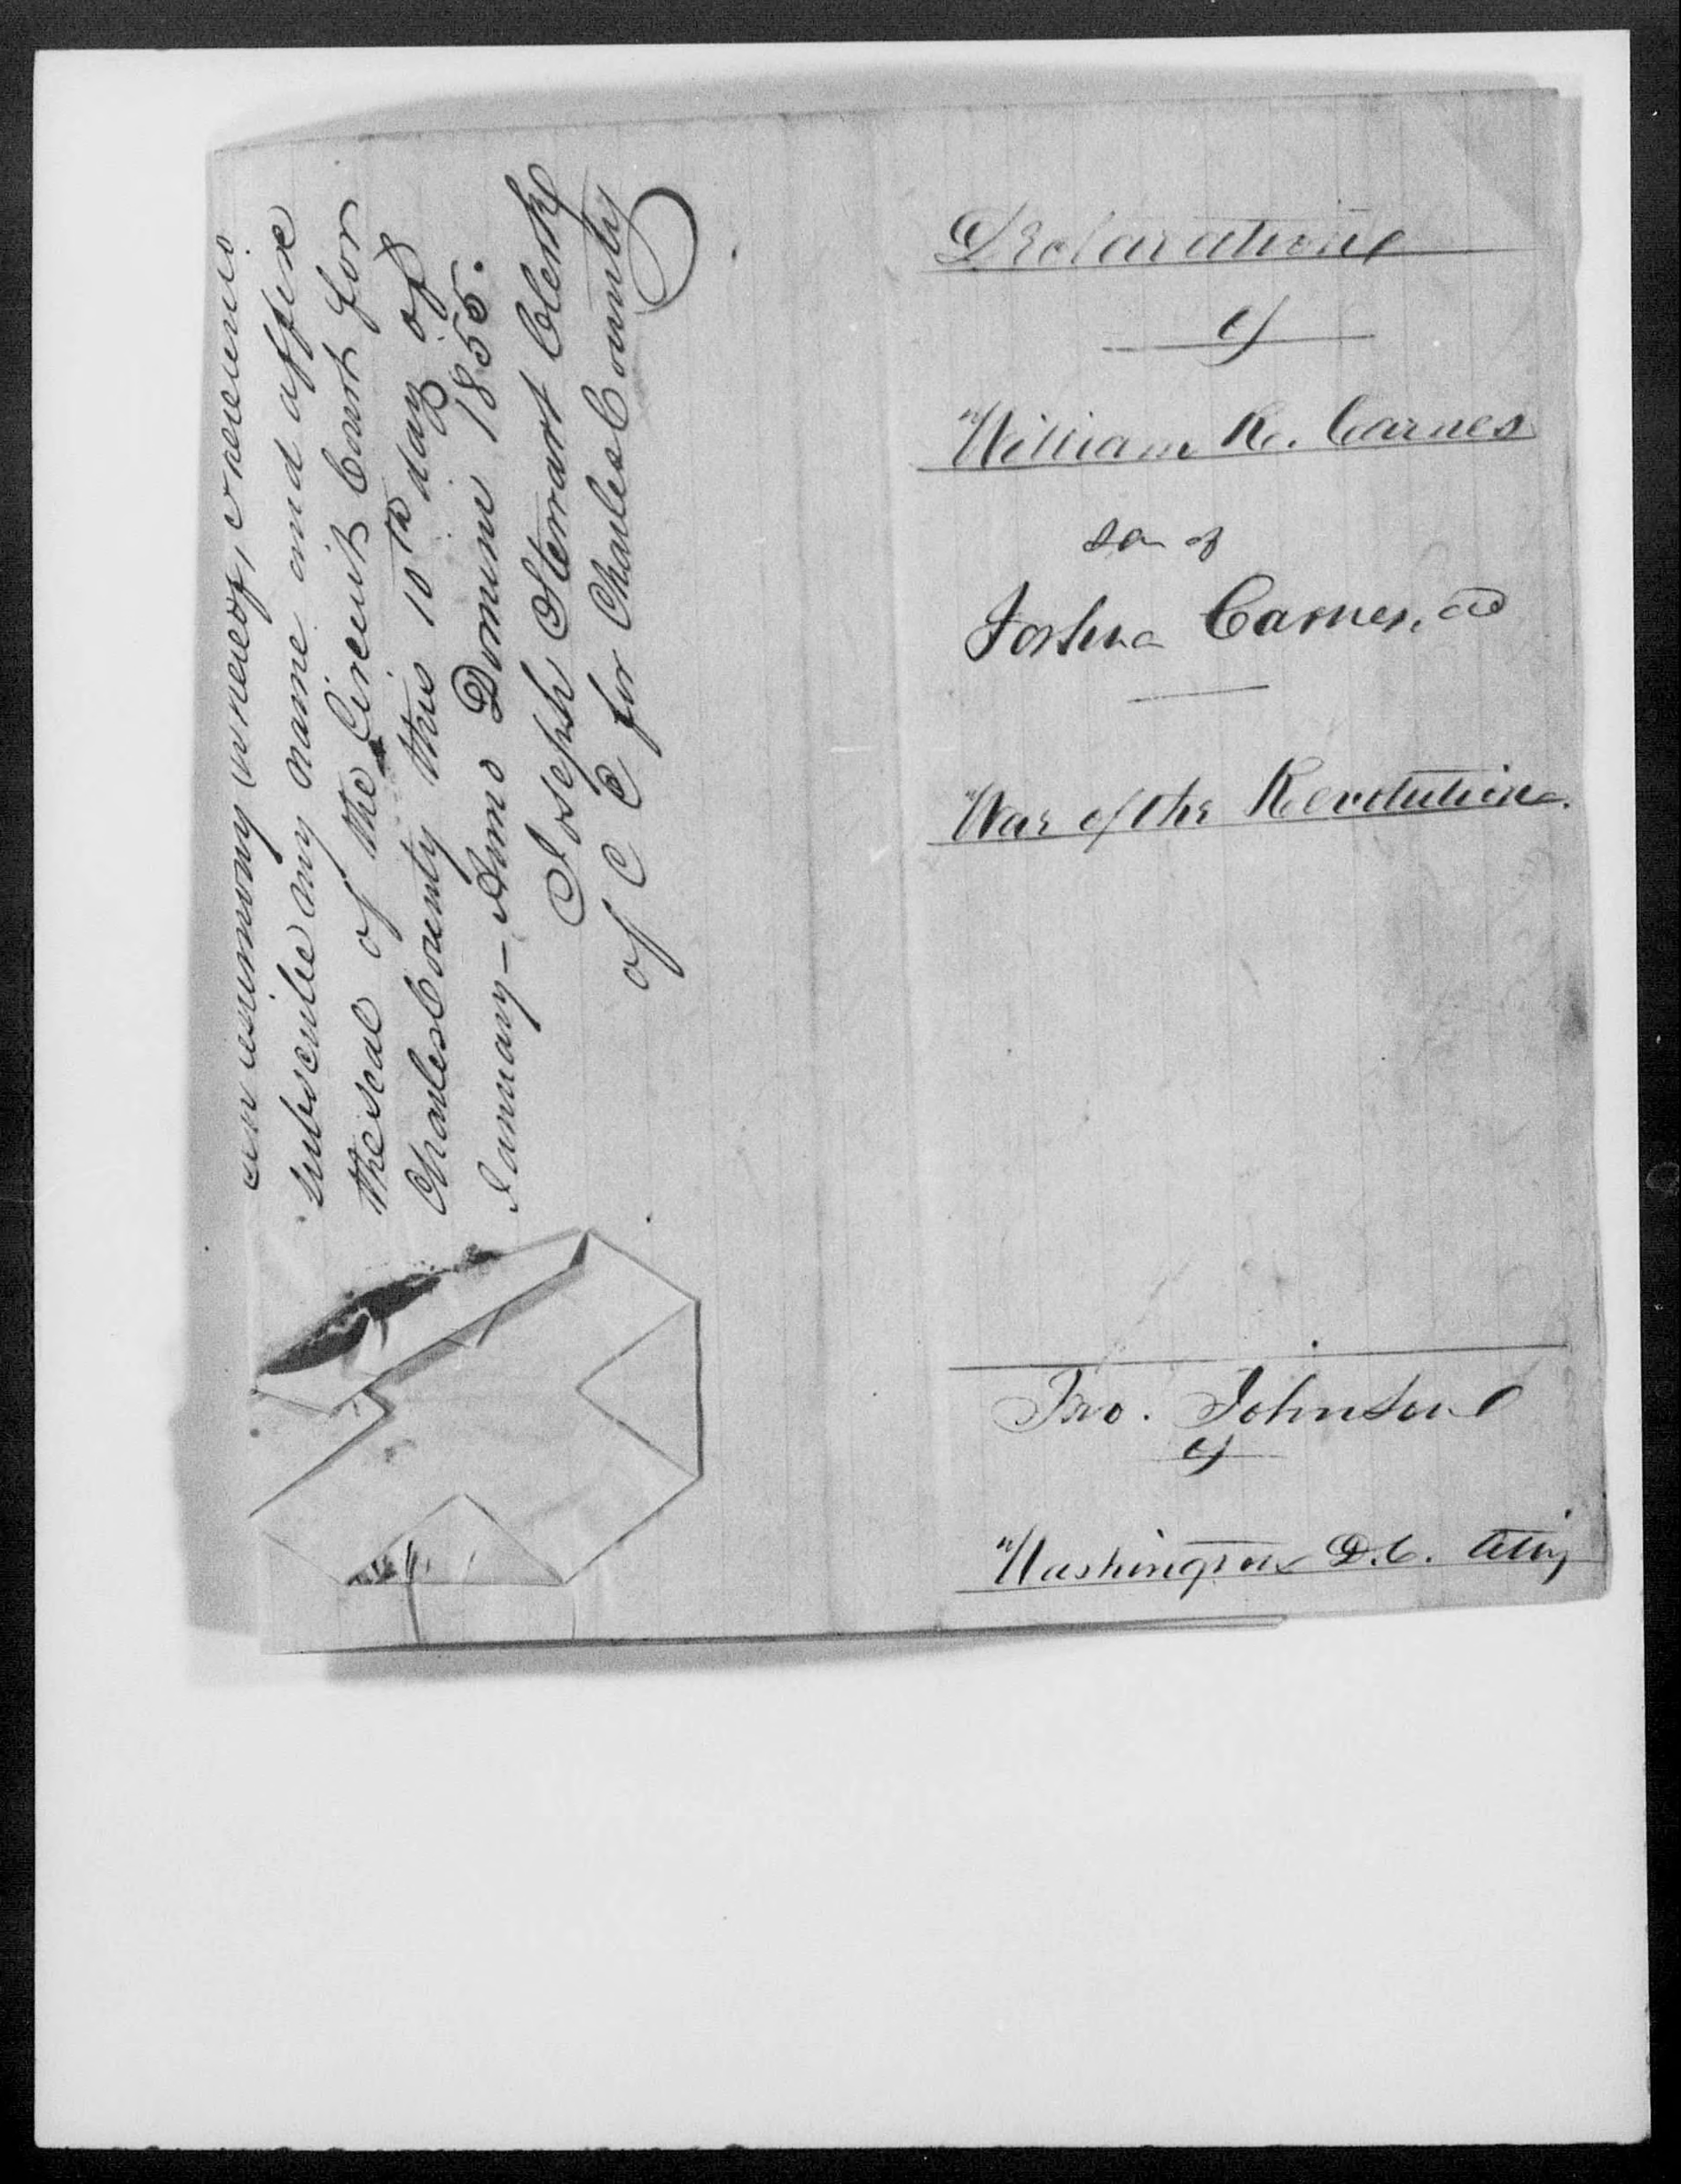(On right side)
In testimony whereof I received and subscribe my name and affix the seal of the Circuit Court for Charles County this 10th day of January Anno Domini 1855.
Joseph Stewart Clerk
Of C C for Charles County

(On left side)
Declarations
Of 
William R. Carnes
Son of
Joshua Carnes, dcd
War of the Revolution

Jno. Johnson
of
Washington D.C. Atty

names: Joseph Stewart, Jno Johnson, William R Carnes, Joshua Carnes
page: 2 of 22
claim: rejected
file: R 1709, Joshua Carnes, Va.